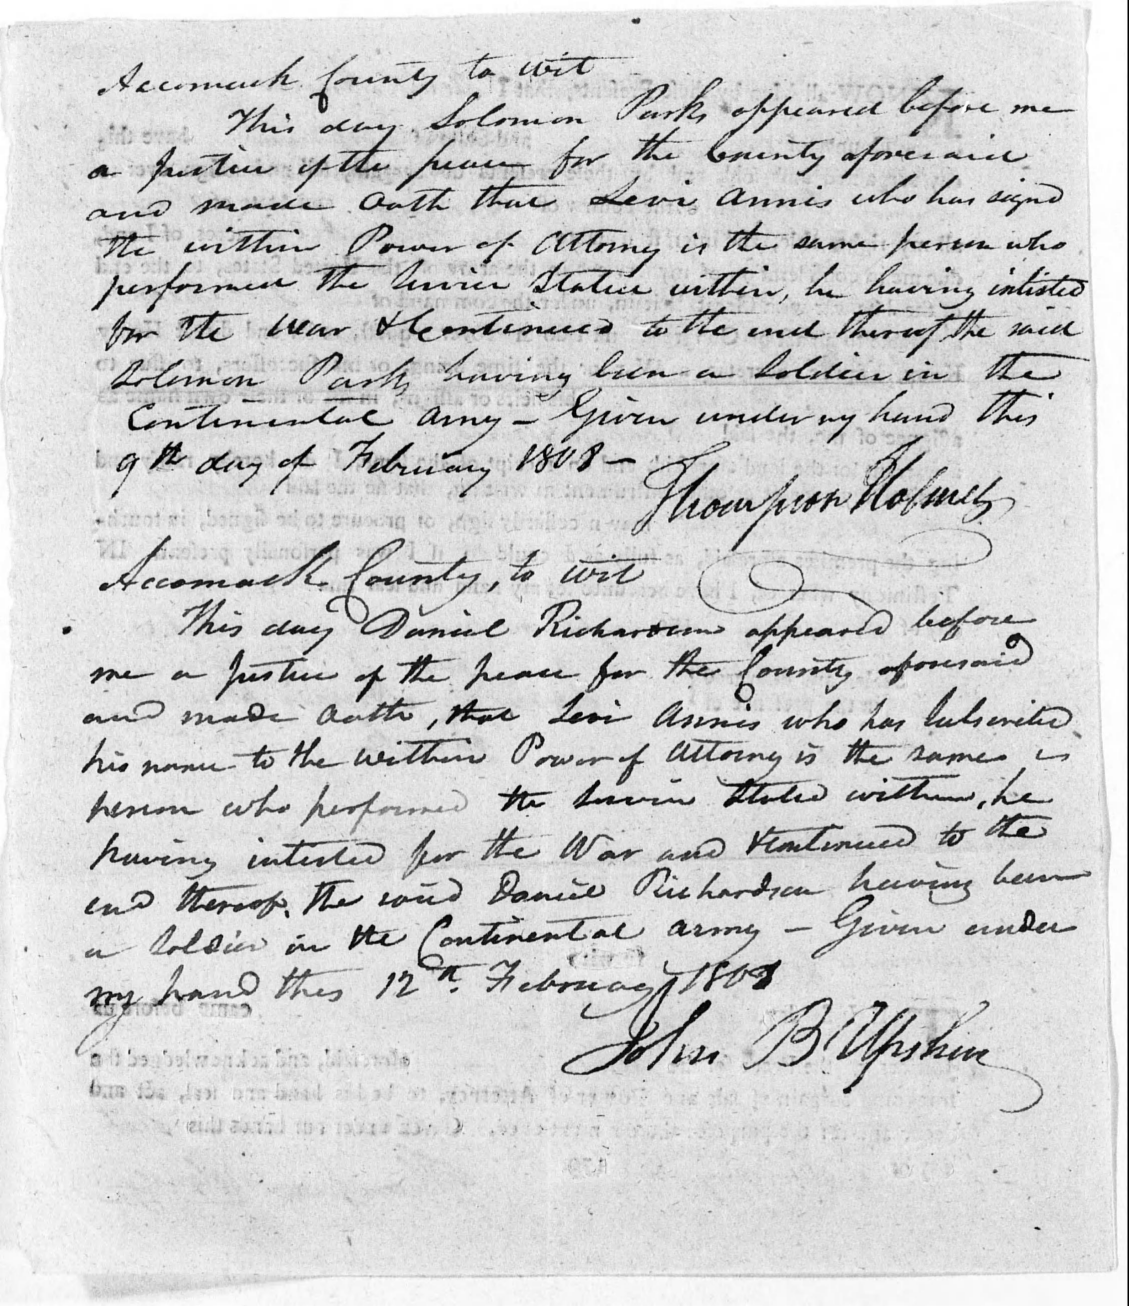Accomack County to wit
This day Solomon Parks appeared before me a Justice of the peace for the County aforesaid and made Oath that Levi Annis who has signed the within Power of Attorney is the same person who performed the Service Stated within, he having inlisted for the war & continued to the end thereof the said Solomon Parks having been a soldier in the Continental army - Given under my hand this 9th day of February 1808 -
Thompson Holmes

Accomack County, to wit
This day Daniel Richardson appeared before me a Justice of the peace for the County aforesaid and made Oath, that Levi Annis who has subscribed his name to the within Power of Attorney is the same person who performed the service stated within, he having inlisted for the War and continued to the end thereof, the said Daniel Richardson having been a soldier in the Continental army - Given under my hand this 12th February 1808
John B Upshin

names: Levi Annis, Solomon Parks, Solomon Parks, John B Upshin, Thompson Holmes, Daniel Richardson, Daniel Richardson, Levi Annis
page: 19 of 27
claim: widow's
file: W 5624, Levi Annis, Va. Va. Sea Service